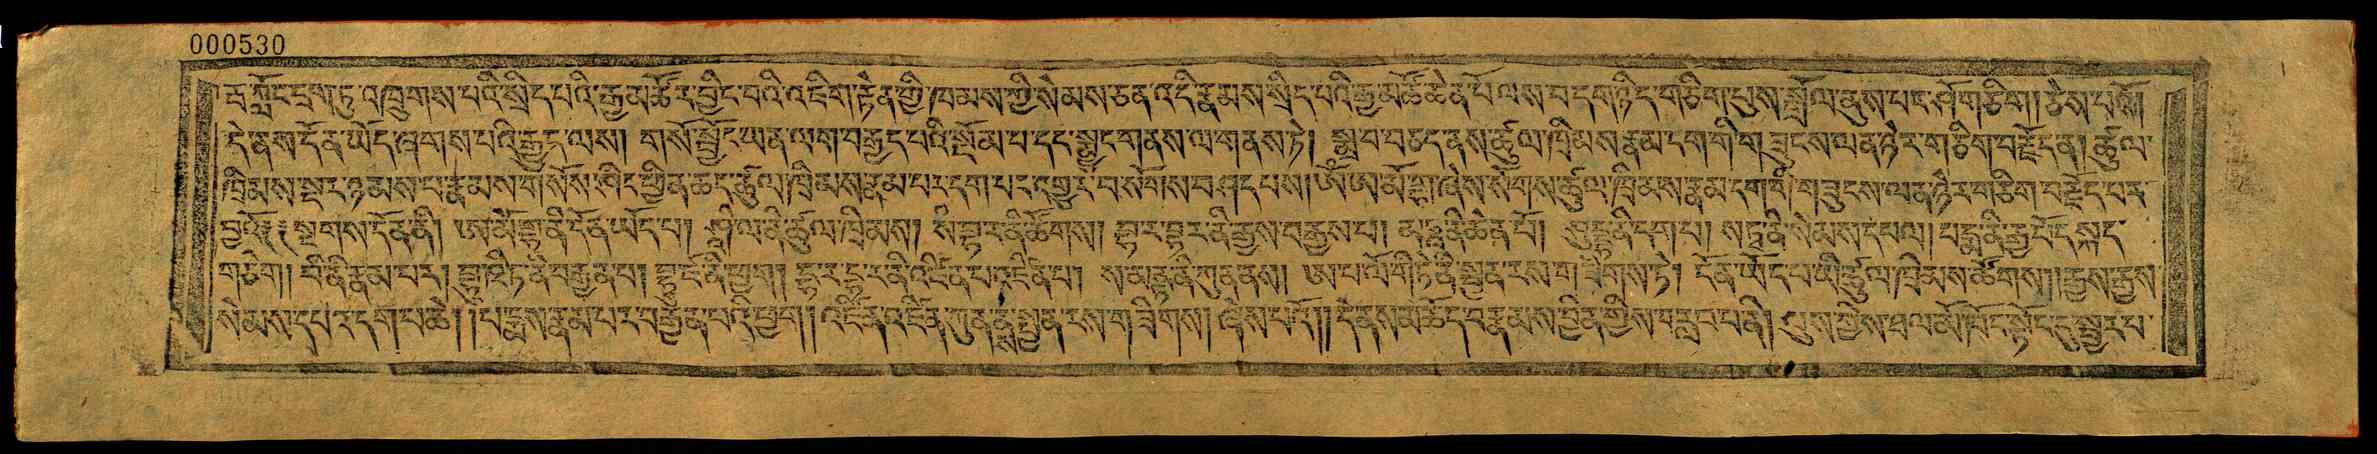རྦ་ཀློང་དག་ཏུ་འཁྲུགས་པའི་སྲིད་པའི་རྒྱ་མཚོར་བྱིང་བའི་འཇིག་རྟེན་གྱི། ཁམས་ཀྱི་སེམས་ཅན་འདི་རྣམས་སྲིད་པའི་རྒྱ་མཚོ་ཆེན་པོ་ལས་བདག་ཉིད་གཅིག་པུས་སྒྲོལ་ནུས་པར་ཤོག་ཅིག །ཅེས་པའོ། །
དེ་ནས་དོན་ཡོད་ཞགས་པའི་རྒྱུད་ལས། གསོ་སྤྱོང་ཡན་ལག་བརྒྱད་པའི་སྡོམ་པ་དང་སྨྱུང་གནས་ལ་གནས་ཏེ། སྨྲ་བ་བཅད་ནས་ཚུལ་ཁྲིམས་རྣམ་དག་གི་གཟུངས་ལན་ཉེར་གཅིག་བརྗོད་ན། ཚུལ་
ཁྲིམས་སྔར་ཉམས་པ་རྣམས་གསོས་ཤིང་ཕྱིན་ཆད་ཚུལ་ཁྲིམས་རྣམ་པར་དག་པར་འགྱུར་བ་སོགས་བཤད་པས། ཨོཾ་ཨ་མོ་གྷ་ཞེས་སོགས་ཚུལ་ཁྲིམས་རྣམ་དག་གི་གཟུངས་ལན་ཉེར་གཅིག་བརྗོད་པར་
བྱའོ༑ ༑སྡུ་པས་དོན་ནི། ཨོཾ་མོ་གྷ་ནི་དོན་ཡོད་པ། ཤི་ལ་ནི་ཚུལ་ཁྲིམས། སཾ་བྷ་ར་ནི་ཚོགས། བྷར་བྷར་ནི་རྒྱས་པ་རྒྱས་པ། མ་ཧཱ་ནི་ཆེན་པོ། ཤུ་དྡྷ་ནི་དག་པ། སཏྭ་ནི་སེམས་དཔའ། པདམ་ནི་རྒྱ་བོད་སྐད་
གཅིག། པ་ནི་རྣམ་པར། བྷཱུ་ཥི་ཏ་ནི་བརྒྱན་པ། བྷཱུ་ཛ་ནི་ཕྱག། དྷ་ར་དྷ་ར་ནི་འཛིན་པ་འཛིན་པ། ས་མནྟ་ན་ཀུན་ནས། ཨ་བ་ལོ་ཀི་ཏེ་ནི་སྤྱན་རས་གཟིགས་ཏེ། དོན་ཡོད་པ་ཨི་ཚུལ་ཁྲིམས་ཚོགས། །རྒྱས་རྒྱས་
སེམས་དཔའ་དག་པ་ཆེ། །པདམས་རྣམ་པར་བརྒྱན་པའི་ཕྱག། འཛིན་འཛིན་ཀུན་ན་སྤྱན་རས་གཟིགས། ཞེས་པའོ། །དེ་ནས་མཆོད་པ་རྣམ་བྱིན་གྱིས་བརླབ་པ་ནི། ལུས་ཀྱིས་ཐལ་མོ་ཁོང་སྟོང་དུ་སྦྱར་བ་